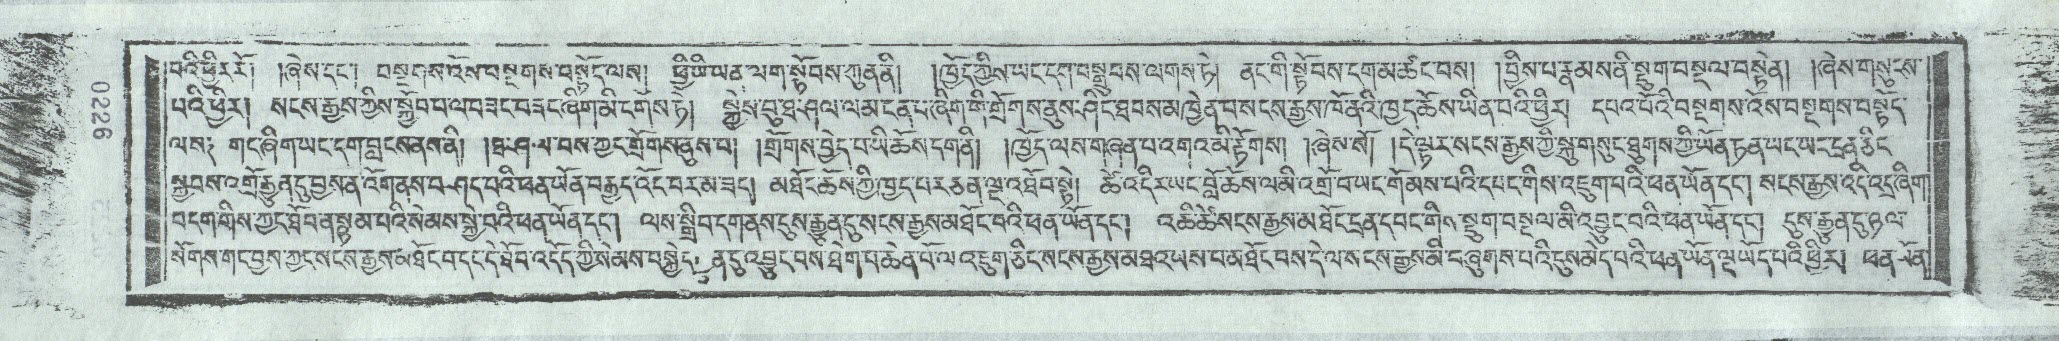བའི་ཕྱིར་རོ། །ཞེས་དང་། བསྔགས་འོས་བསྔགས་བསྟོད་ལས། ཕྱི་ཡི་ཡན་ལག་སྟོབས་ཀུན་ནི། །ཁྱོད་ཀྱིས་ཡང་དག་བསྒྲུབས་ལགས་ཏེ། ནང་གི་སྟོབས་དག་མ་ཚང་བས། །བྱིས་པ་རྣམས་ནི་སྡུག་བསྔལ་བསྟེན། །ཞེས་གསུངས་
པའི་ཕྱིར། སངས་རྒྱས་ཀྱིས་སྐྱོབ་པ་ལ་བཟང་བཟང་ཞིག་མི་དགོས་ཏེ། སྐྱེས་བུ་ཐ་ཤལ་ལམ་ངན་པ་ཞིག་གི་གྲོགས་ནུས་ཤིང་ཐབས་མཁྱེན་པ་སངས་རྒྱས་ཁོ་ནའི་ཁྱད་ཆོས་ཡིན་པའི་ཕྱིར། དཔའ་པོའི་བསྔགས་འོས་བསྔགས་བསྟོད་
ལས༑ གང་ཞིག་ཡང་དག་བླངས་ནས་ནི། །ཐ་ཤལ་བས་ཀྱང་གྲོགས་ནུས་པ། །གྲོགས་བྱེད་པ་ཡི་ཆོས་དག་ནི། །ཁྱོད་ལས་གཞན་པ་འགའ་མི་རྟོགས། །ཞེས་སོ། །དེ་ལྟར་སངས་རྒྱས་ཀྱི་སྐུ་གསུང་ཐུགས་ཀྱི་ཡོན་ཏན་ཡང་ཡང་དྲན་ཅིང་
སྐྱབས་འགྲོ་རྒྱུན་དུ་བྱས་ན་འོག་ནས་བཤད་པའི་ཕན་ཡོན་བརྒྱད་འོང་བར་མ་ཟད། མཐོང་ཆོས་ཀྱི་ཁྱད་པར་ཅན་ལྔ་འཐོབ་སྟེ། ཚེ་འདིར་ཡང་བློ་ཆོས་ལ་མི་འགྲོ་བ་ཡང་གོམས་པའི་དབང་གིས་འཇུག་པའི་ཕན་ཡོན་དང་། སངས་རྒྱས་འདི་འདྲ་ཞིག་
བདག་གིས་ཀྱང་ཐོབ་ན་སྙམ་པའི་སེམས་སྐྱེ་བའི་ཕན་ཡོན་དང་། ལས་སྒྲིབ་དག་ནས་དུས་རྒྱུན་དུ་སངས་རྒྱས་མཐོང་བའི་ཕན་ཡོན་དང་། འཆི་ཚེ་སངས་རྒྱས་མཐོང་དྲན་དབང་གིས་སྡུག་བསྔལ་མི་འབྱུང་བའི་ཕན་ཡོན་དང་། དུས་རྒྱུན་དུ་ཉལ་
སོགས་གང་བྱས་ཀྱང་སངས་རྒྱས་མཐོང་བ་དང་དེ་ཐོབ་འདོད་ཀྱི་སེམས་བསྐྱེད། ན་དུ་འབྱུང་བས་ཐེག་པ་ཆེན་པོ་ལ་འཇུག་ཅིང་སངས་རྒྱས་མཐའ་ཡས་བ་མཐོང་བས་དེ་ལ་སངས་རྒྱས་མི་བཞུགས་པའི་དུས་མེད་པའི་ཕན་ཡོན་ལྔ་ཡོད་པའི་ཕྱིར། ཕན་ཡོན་